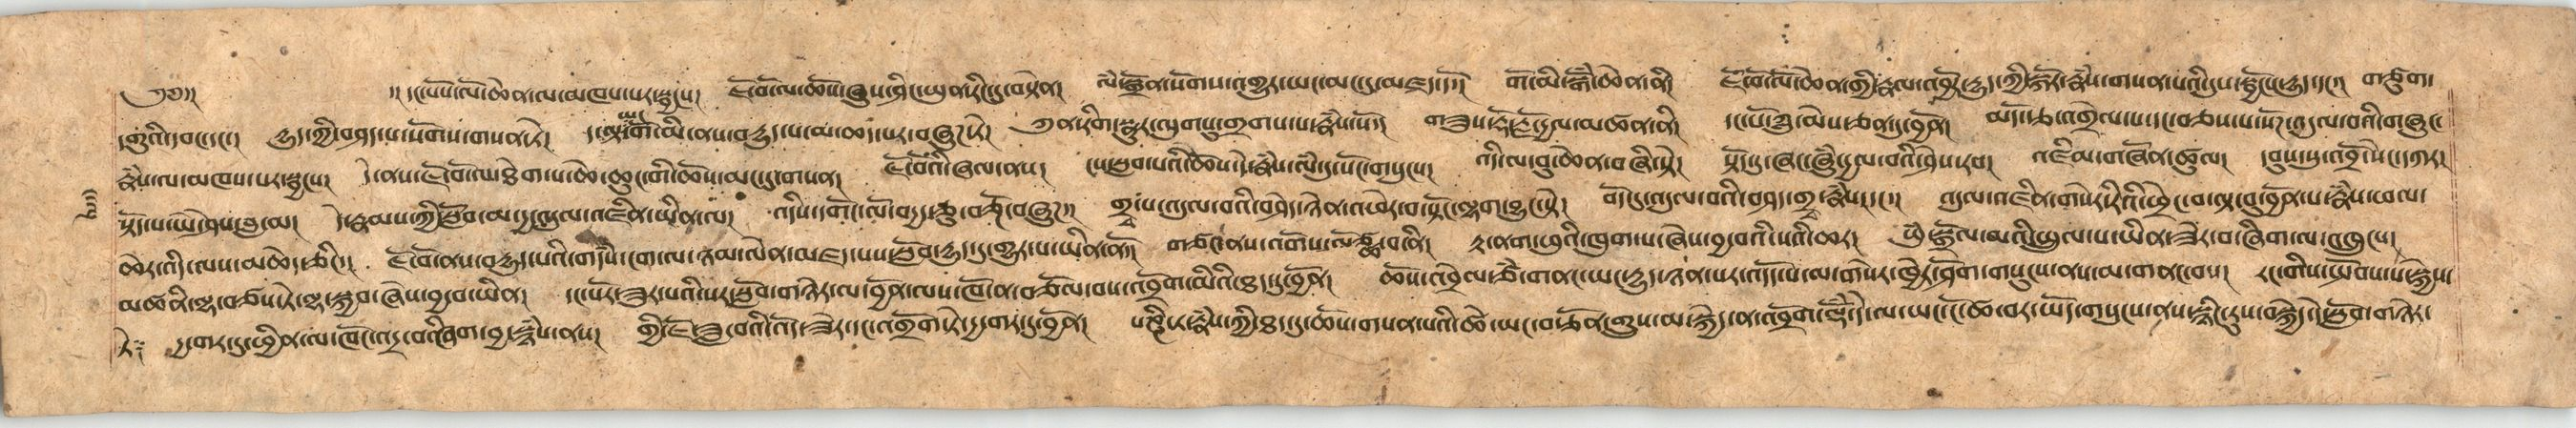དང དང་་པོས་ལོ་ཆེན་ལ་མཁས་པར་སྦྱངས། ཇོ་བོ་ལ་ཆོས་ཞུས་ཤིང་ཡུན་རིང་དུ་བསྟེན། ལཾ་སྒྲོན་སོགས་འགྱུར་ཡང་མང་དུ་མཛད་དོ། གོ་མི་སྒོཾ་ཆེན་ནི། ཇོ་བོ་ལོ་ཆེན་གྱི་རྣལ་འབྱོར་དྱུད་ཀྱི་སྐོར་རྣཾས་གསན་པའི་དུས་སྦྱོངས་དྱུད་དང་། གཙུག་
དགུའི་དབང་དང་། དྱུད་ཀྱི་བཤད་པ་སོགས་གསན་ཏེ། ད་ལྟ་ཡང་གོ་མི་ནས་བདྱུད་པ་མ་ཆད་པར་བཞུཌ་ཏེ། ཀུན་རིག་སྣུར་ལུགསུ་གྲགས་པ་རྣཾས་སོ་། གཟུས་རྡོ་རྗེ་དྱལ་མཚན་ནི། དང་པོ་ཀླུ་མེས་ཅན་དུ་བྱོན། མདོ་རྩ་འགྲེལ་པ་དང་བཅས་པ་སོཌ་འདུལ་བའི་གཞུང་
རྣཾས་ལ་མཁས་པར་སྦྱངས། དེ་ནས་ཇོ་བོ་ལ་ཐེག་པ་ཆེ་ཆུང་གི་ཆོས་མང་དུ་གསན། ཇོ་བོའི་ཞལ་ནས། ངས་སླབ་པའི་ཆོས་དེ་རྣཾས་ལཾ་དུ་སོང་གསུངས། འདི་ལ་བུ་ཆེན་བཞི་སྟེ། སྟོད་དུ་ཞང་ཞུཾ་དྱལ་བའི་ཤེས་རབ། འཛིམ་གཞོན་ཚུལ། དབུས་སུ་འབྲོ་སེང་དཀར།
སྟོད་པ་ཡེ་ཤེས་བླ་མ། དེ་རྣམས་ཀྱི་སློབ་མ་དྱ་འདུལ་འཛིན་ཡིན་ལ། འདིས་དགོང་ལོ་བདྱད་ཅུ་བཅྔོ་བཞུཌ་། གྲྭ་པ་འདུལ་བའི་བཤེད་ཉེན་འཕེར་བ་སྟོང་ལྷག་བྱུང་སྟེ། བོད་དུ་འདུལ་བའི་བཤད་གྲྭ་རྣཾས་དང་། འདུལ་འཛིན་གསེར་རིའི་ཕྲེང་བ་ལྟ་བུ་བྱོན་པ་རྣཾས་ཕལ་
ཆེར་འདི་ལས་མཆེད་ཅིང། ཇོ་བོ་ནས་བདྱུད་པའི་གདཾས་ངག་ལ་ཉམ་ལེན་མཛད་པས་སློབ་དྱུད་དུ་གྱུར་པ་ཡིན་ནོ། གཙང་ནས་འགོས་ལོཙྪ་བ་ནི། རྟ་ནག་ཕུའི་ཁུག་པ་ཞེས་བྱ་བའི་སའི་ཆར། ཡུཾ་སྒྲོལ་མའི་སྤྲུལ་པ་ཡིན་ཟེར་བ་ཞིག་ལ་འཁྲུངས།
མཚནི་ལྷ་བཙས་ཏེ་ལྷ་སྐྱབས་ཞེས་བྱ་བ་ཡིན། དང་པོར་ཟུར་པའི་སར་སློབ་གཉེར་ལ་བྱོན་ལས་ཁོ་ན་བཅོལ་བས་འབྲོག་མིའི་ཐད་དུ་བྱོན། ཆོས་འབྲེལ་ཙཾ་གནང་ཡང་དྱུད་ཉན་པར་འདོད་པ་ལ་གསེར་ཁྱེར་ཤོག་གསུངས་ནས་མ་གནང་བས། རང་གིས་སྤོབས་པ་སྐྱེས་
ཏེ༑ དྱ་གར་དུ་ཕྱིན་ལ་ཁོང་འདྲ་བ་ཞིག་བྱ་སྙཾས་ནས། གྱི་ཇོ་ཟླ་བའི་འོད་ཟེར་དང་འགྲོག་ཏེ་དྱ་གར་དུ་བྱོན། པཎྜི་ཏ་རྣཾས་ཀྱི་ཐད་དུ་ཆོས་གསན་པའི་ཚེ་ཡང་བརྩོན་གྲུས་མ་སྐྱེད་ན་འབྲོག་ལྡོཾ་དེ་ལ་ཡང་ངོ་ཚ་བར་ཡོད་གསུངས་ནས་སྙིང་རུས་བསྐྱེད་དེ་སློབ་གཉེར་